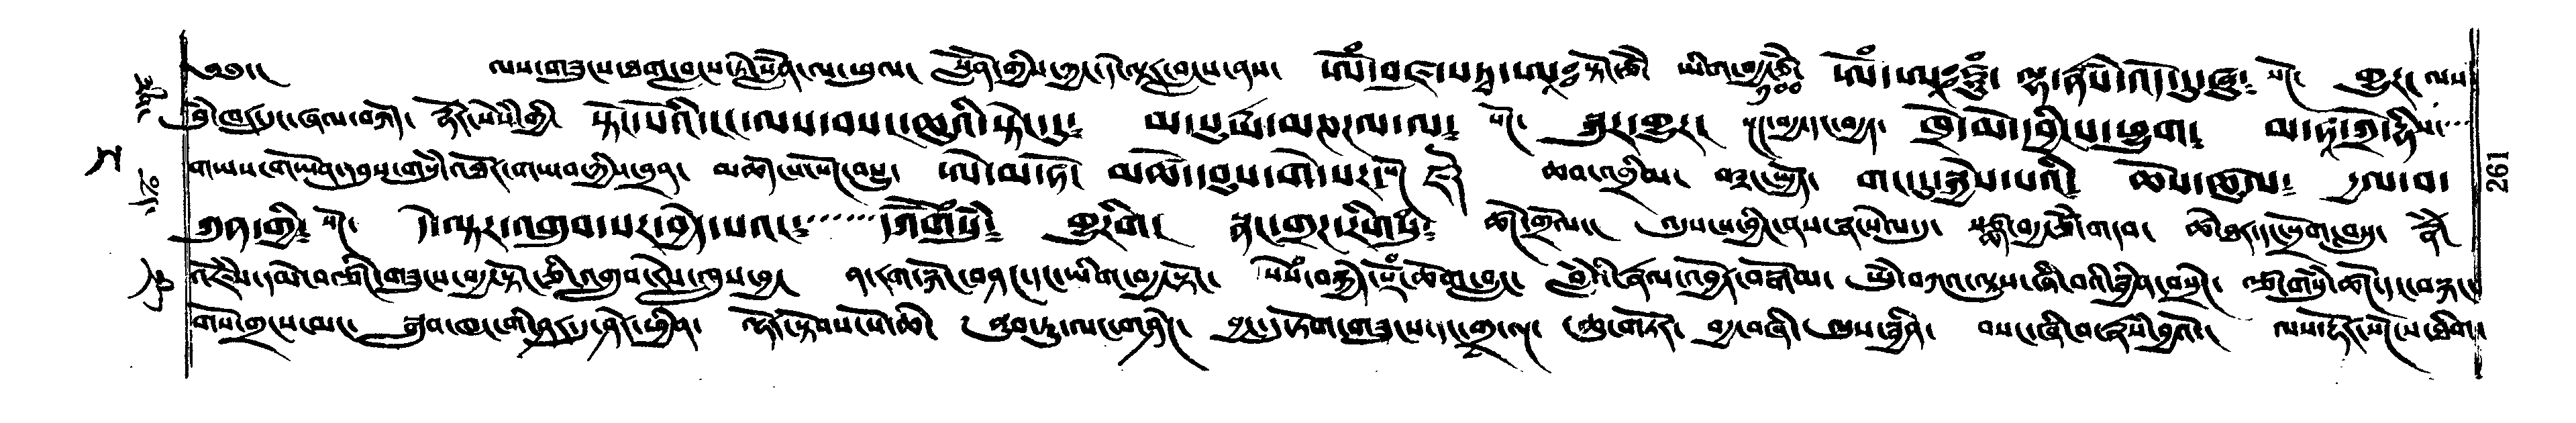ལས་གཟུངས་ཐག་བླངས་ཏེ་སློབ་དཔོན་ལ་ཕུལ། སློབ་དཔོན་གྱིས་ཀྱང་དེ་ལྟར་བླངས་ནས། ཨོཾ་བཛྲ་སཏྭ་ཨཱཿ སྟོང་ཙམ། ཡིག་བརྒྱ་བརྒྱ་རྩ་ཙམ། ཨོཾ་ཨཱཿཧཱུྃ། ལྷ་རྣམས་འོད་དུ་ཞུགས༴སོགས། གྱུར། ལས་
བུམ་ཁར་དུང་ཞལ་འཁཽད། རྡོར་སེམས་གྱི། སྟོང་པའི་ངང་ལས་བསང་ཆུའི་སྟེང་དུ༴ མ་སུརྻ་མཎྜལ་ལ༴ སོགས། སྐུར་གྱུར། སྔགས་བརྒྱ་དང་བརྒྱད། ཁྲོ་མོ་དབྱིངས་ཕྱུག༴ མ་ཧཱ་ཀྲོ་དྷི ས་
གཡས་གཡོན་དབུས་གསུམ་འཐོར་གཡབ་ཀྱིས་བྲན། མཆོད་པ་སོགས་བསྡུ། ཨེ་མ་ཧོ། མཚོ་དབུས་གེ་སར༴ སོགས། ཆབ་འགྲེམ། བཟང་སྤྱོད། གང་དུ་སྐྱེས་པའི༴ ཆོས་ཚུལ༴ རྒྱལ་བ་
ཀུན་གྱི༴ སོགས་དང་། དེ་ལྟར་འགྲུབ་པ་བྱེད་པའང་དཀོན་མཆོག་གསུམ༴ གྱུར་ཅིག སྣང་གྲགས་རིག་གསུམ༴ ཚོགས་གྲོལ། འདུས་པ་བྱིངས་ནས་སྣ་སེལ་དུ་སཙྪ་བརྒྱ་ཙམ་གདབ། ཚེ་ཐར་དང་སྲོག་བསླུ། རྣམ་
འཇོམས་དམེ་བརྩེགས་ཀྱི་གཟུངས་བརྒྱ་སྟོང་ཅིའི་གྲུབ་རེས་ཁྲུས་བྱ། ན་རག་སྐོང་བཤགས་དང་ཡིག་བརྒྱ་སྟོང་། སེམས་སྐྱེད་སྡོམ་ཆོག་བླང་། བླ་མའི་རྣལ་འབྱོར་བསྒོམ། ཡུམ་བཀའ་ལྟ་བུ་ཞི་བའི་སྦྱིན་སྲེག རྩ་གསུམ་ཚོགས་དང་བསྐང་
གསོ་གྲངས་མང་། སྒྲུབ་ཁང་གི་ཤར་དུ་ཤེར་ཕྱིན། ལྷོར་སྟོབས་པོ་ཆེ། ནུབ་ཏུ་ལང་གཤེགས། བྱང་དུ་ཏོག་གཟུངས་དང་གྲྭ་ལྔ། ཆུ་གཏོར། བརྒྱ་བཞི། ལུས་སྦྱིན་བསང་ཞི་བ་རྣམས་བྱའོ། །ལས་རྡོར་ལ་སོགས་པས་ཐིག་